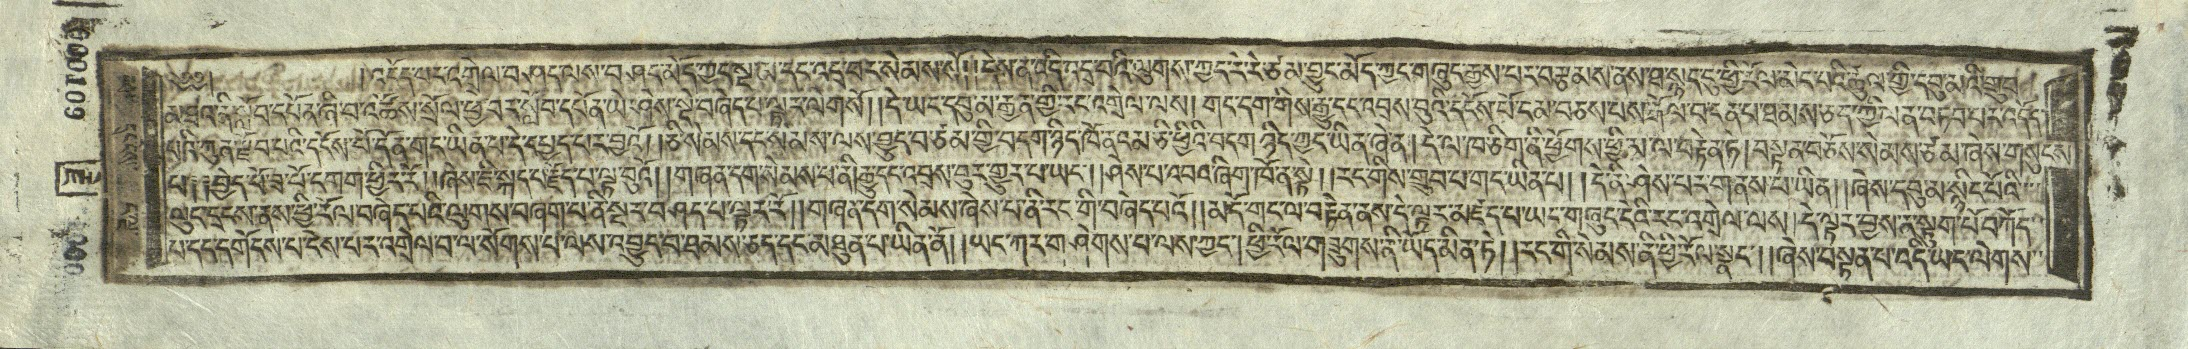༄༅། །འདོད་པར་འགྲེལ་བཤད་ལས་བཤད་མོད་ཀྱང་སྔ་མ་དང་འདྲ་བར་སེམས་སོ། །དེས་ན་འདི་འདྲ་བའི་ལུགས་ཀྱང་རེ་རེ་ཙམ་བྱུང་མོད་ཀྱང་གཞུང་རྒྱས་པར་བརྩམས་ནས་ཐ་སྙད་དུ་ཕྱི་རོལ་མེད་པའི་ཚུལ་གྱི་དབུ་མའི་གྲུབ་
མཐའ་ནི་སློབ་དཔོན་ཞི་བ་འཚོས་སྲོལ་ཕྱེ་བར་སློབ་དཔོན་ཡེ་ཤེས་སྡེ་བཞེད་པ་ལྟར་ལེགས་སོ། །དེ་ཡང་དབུ་མ་རྒྱན་གྱི་རང་འགྲེལ་ལས། གང་དག་གིས་རྒྱུ་དང་འབྲས་བུའི་དངོས་པོ་དམ་བཅས་པས་རྒོལ་བ་ངན་པ་ཐམས་ཅད་ཀྱི་ལན་བཏབ་པར་འདོད་
པའི་ཀུན་རྫོབ་པའི་དངོས་པོ་དོན་གང་ཡིན་པ་དེ་དཔྱད་པར་བྱའོ། །ཅི་སེམས་དང་སེམས་ལས་བྱུང་བ་ཙམ་གྱི་བདག་ཉིད་ཁོ་ནའམ་ཅི་ཕྱིའི་བདག་ཉིད་ཀྱང་ཡིན་ཞེ་ན། དེ་ལ་ཁ་ཅིག་ནི་ཕྱོགས་ཕྱི་མ་ལ་བརྟེན་ཏེ། བསྟན་བཅོས་སེམས་ཙམ་ཞེས་གསུངས་
པ། །བྱེད་པོ་ཟ་པོ་དགག་ཕྱིར་རོ། །ཞེས་ཇི་སྐད་བརྗོད་པ་ལྟ་བུའོ། །གཞན་དག་སེམས་པ་ནི། རྒྱུ་དང་འབྲས་བུར་གྱུར་པ་ཡང་། །ཤེས་པ་འབའ་ཞིག་ཁོ་ན་སྟེ། །རང་གིས་གྲུབ་པ་གང་ཡིན་པ། །དེ་ནི་ཤེས་པར་གནས་པ་ཡིན། །ཞེས་དབུ་མ་སྙིང་པོའི་
ལུང་དྲངས་ནས་ཕྱི་རོལ་བཞེད་པའི་ལུགས་བཞག་པ་ནི་སྔར་བཤད་པ་ལྟར་རོ། །གཞན་དག་སེམས་ཞེས་པ་ནི་རང་གི་བཞེད་པའོ། །མདོ་གང་ལ་བརྟེན་ནས་དེ་ལྟར་མཛད་པ་ཡང་གཞུང་དེའི་རང་འགྲེལ་ལས། དེ་ལྟར་བྱས་ན་སྟུག་པོ་བཀོད་
པ་དང་དགོངས་པ་ངེས་པར་འགྲེལ་བ་ལ་སོགས་པ་ལས་འབྱུང་བ་ཐམས་ཅད་དང་མཐུན་པ་ཡིན་ནོ། །ལང་ཀར་གཤེགས་པ་ལས་ཀྱང་། ཕྱི་རོལ་གཟུགས་ནི་ཡོད་མིན་ཏེ། །རང་གི་སེམས་ནི་ཕྱི་རོལ་སྣང་། །ཞེས་བསྟན་པ་འདི་ཡང་ལེགས་